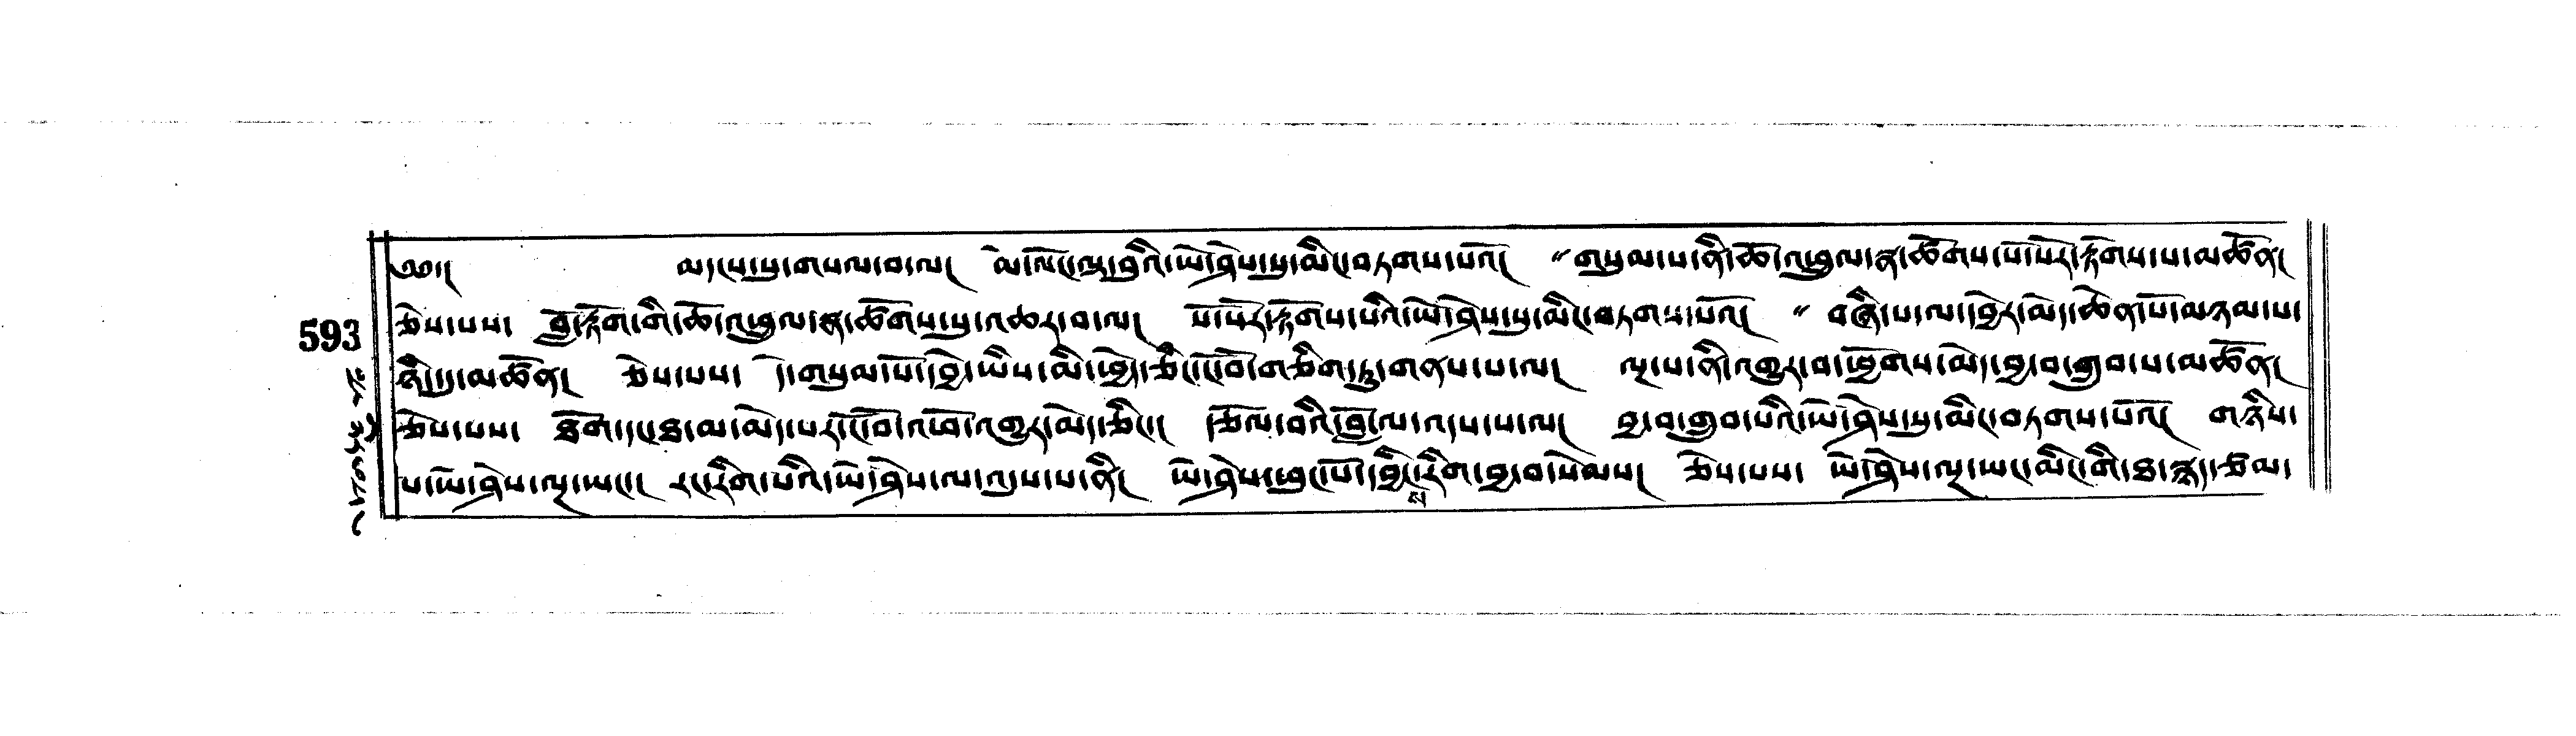མདངས་སུ་གསལ་བ་ལ། མེ་ལོང་ལྟ་བུའི་ཡེ་ཤེས་སུ་མིང་བཏགས་པའོ། ༧ གསུམ་པ་ནི་ཆོ་འཕྲུལ་སྣ་ཚོགས་སོ་སོར་རྟོགས་པ་མཚོན། 
ཅེས་པས། བློ་རྟོག་གི་ཆོ་འཕྲུལ་སྣ་ཚོགས་སུ་འཆར་བ་ལ། སོ་སོར་རྟོགས་པའི་ཡེ་ཤེས་སུ་མིང་བཏགས་པའོ། ༧ བཞི་པ་ལ་དབྱེར་མེད་ཆེན་པོ་མཉམ་པ་
ཉིད་དུ་མཚོན། ཅེས་པས། དེ་གསུམ་པོ་དབྱེ་ཡིས་མི་ཕྱེད་ཅིང་ངོ་བོ་གཅིག་ཏུ་གནས་པ་ལ། ལྔ་པ་ནི་འགྱུར་བ་ཕྱོགས་མེད་བྱ་བ་གྲུབ་པ་མཚོན། 
ཅེས་པས། ཐོག་དང་ཐ་མ་མེད་པར་ངོ་བོ་འཕོ་འགྱུར་མེད་ཅིང་། རྩོལ་བའི་བློ་ལས་འདས་པ་ལ། བྱ་བ་གྲུབ་པའི་ཡེ་ཤེས་སུ་མིང་བཏགས་པའོ། གཉིས་
པ་ཡེ་ཤེས་ལྔ་ཡང་། རང་རིག་པའི་ཡེ་ཤེས་ལ་འདུས་པ་ནི། ཡེ་ཤེས་ཕུང་པོ་དབྱིངས་རིག་བྱ་བ་སེམས། ཅེས་པས། ཡེ་ཤེས་ལྔ་ཡང་མིང་གི་ཐ་སྙད་ཙམ་